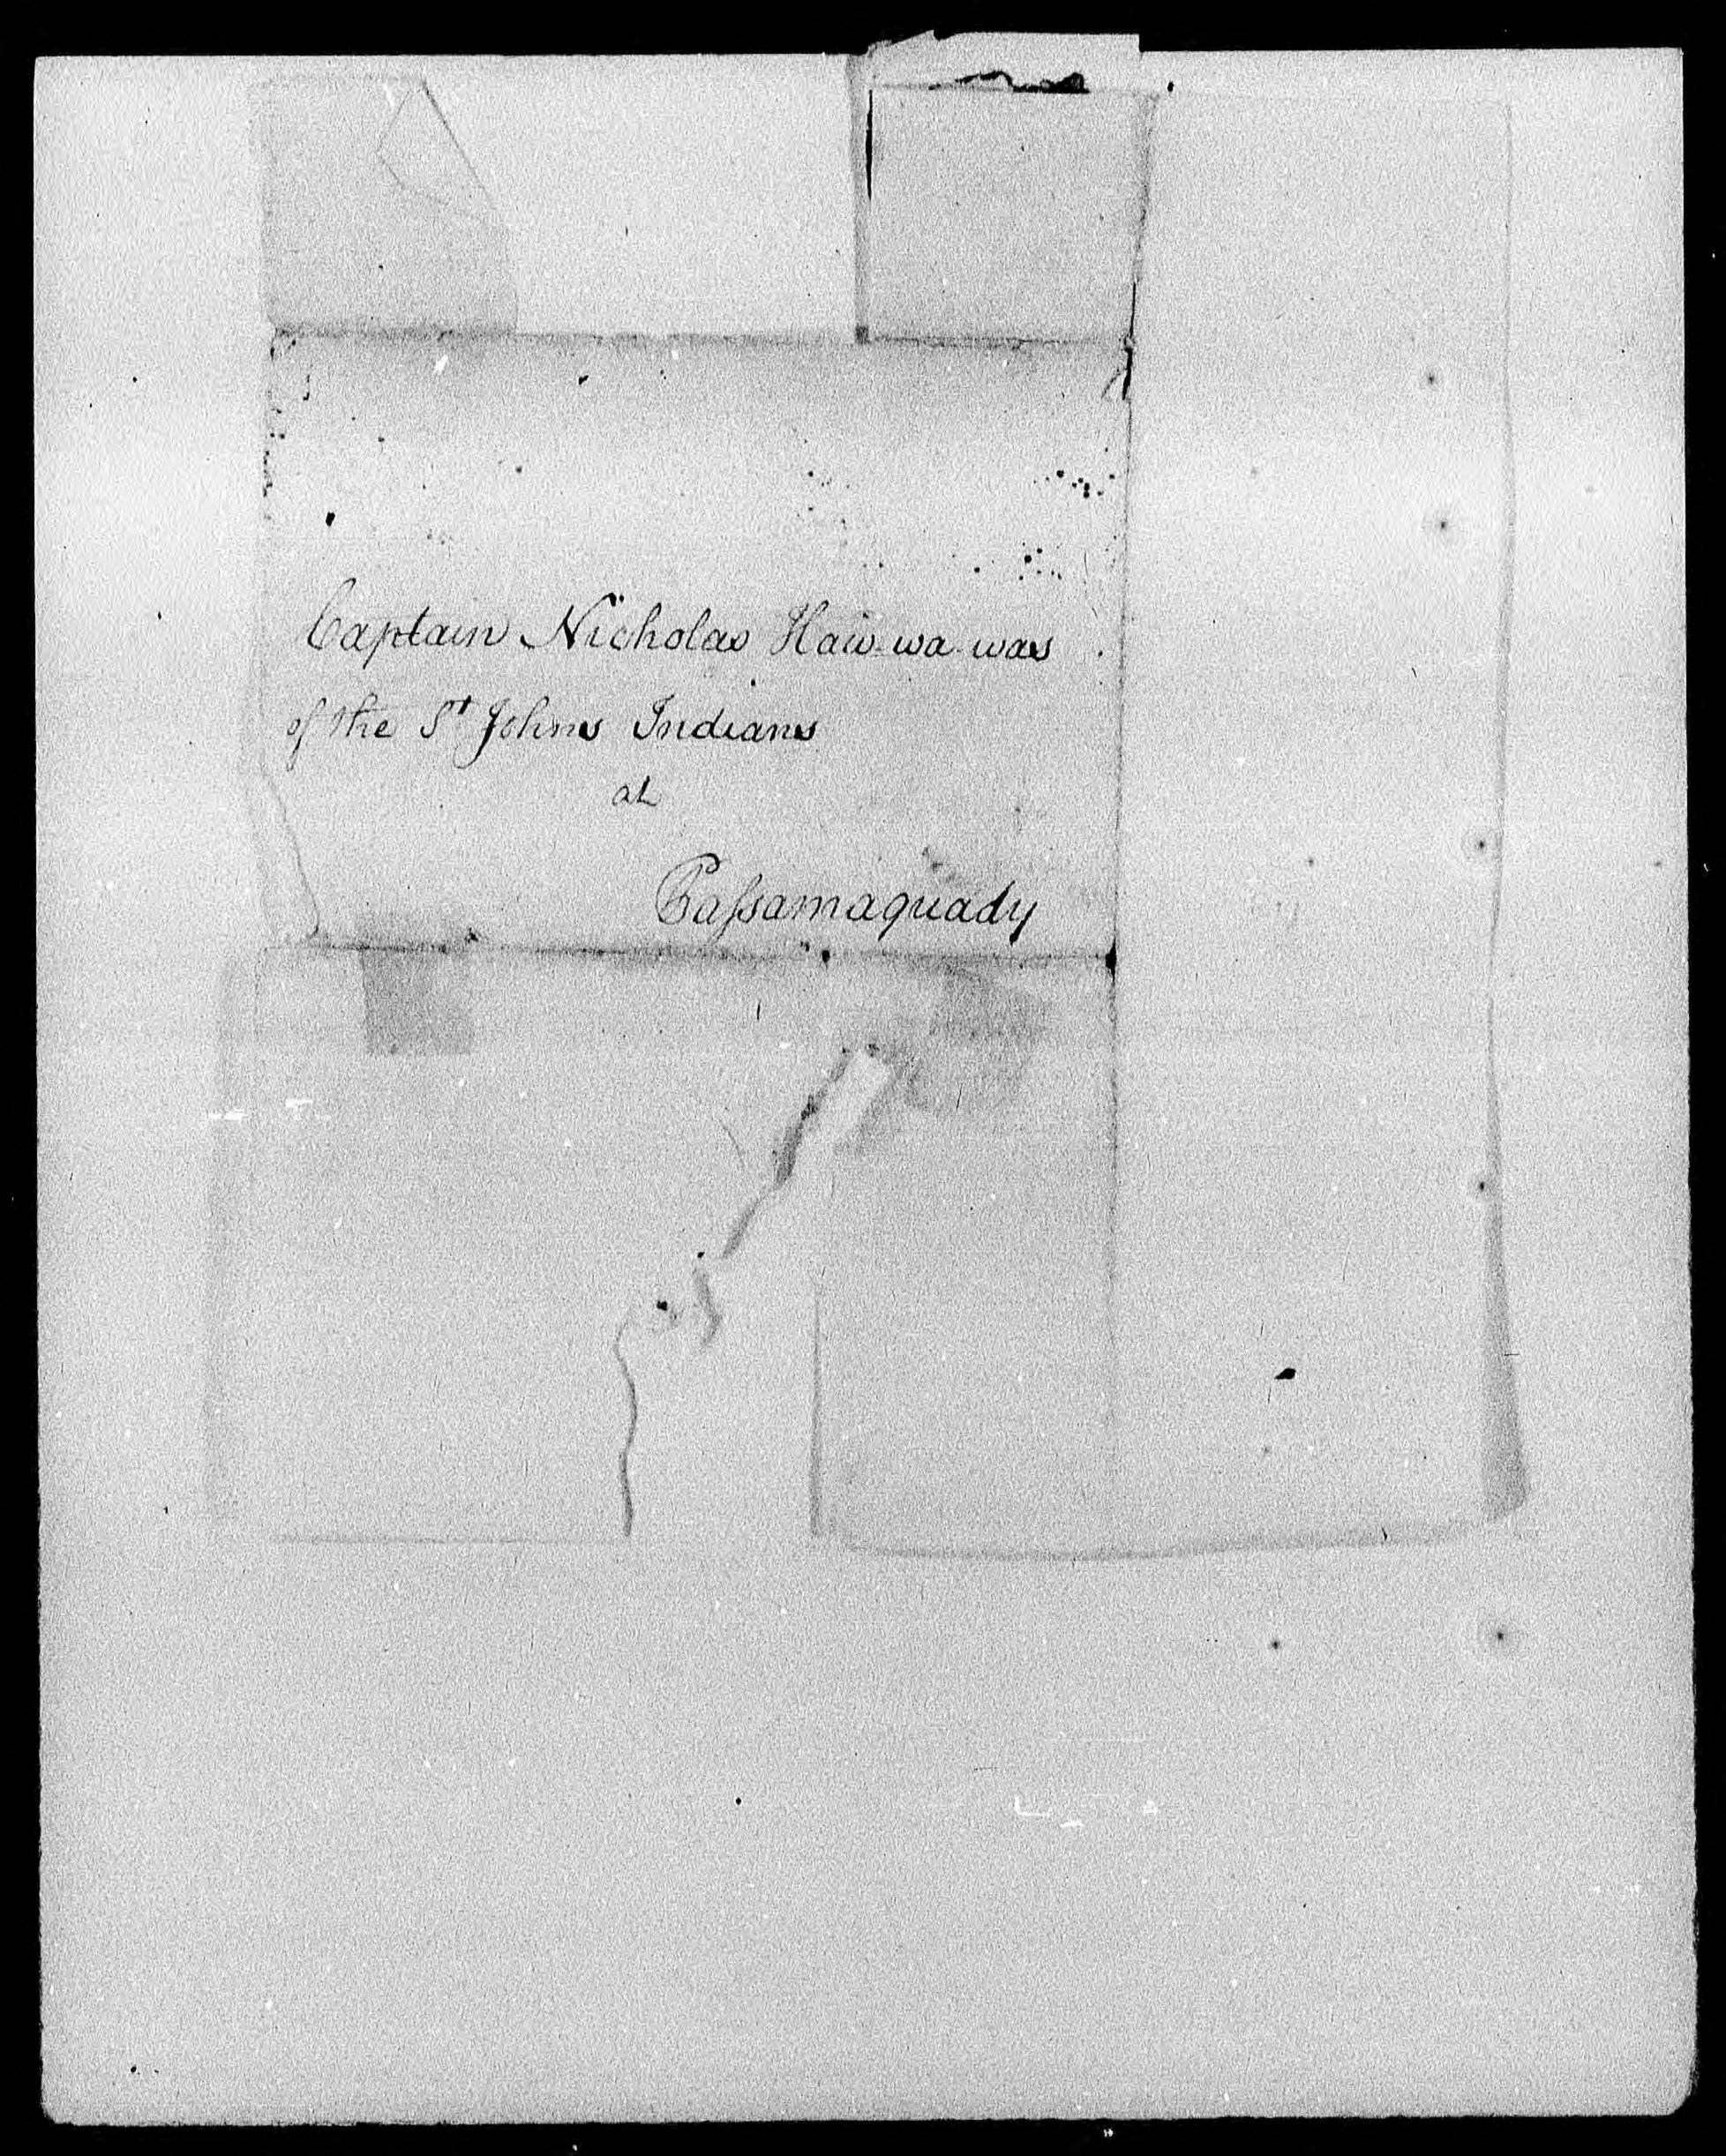Captain Nicholas Haw-wa-was of the St Johns Indians at Passamaquady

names: Nicholas Hawwawas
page: 17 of 52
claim: survivor's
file: S 17997, Nicholas Hawwawas, Mass.